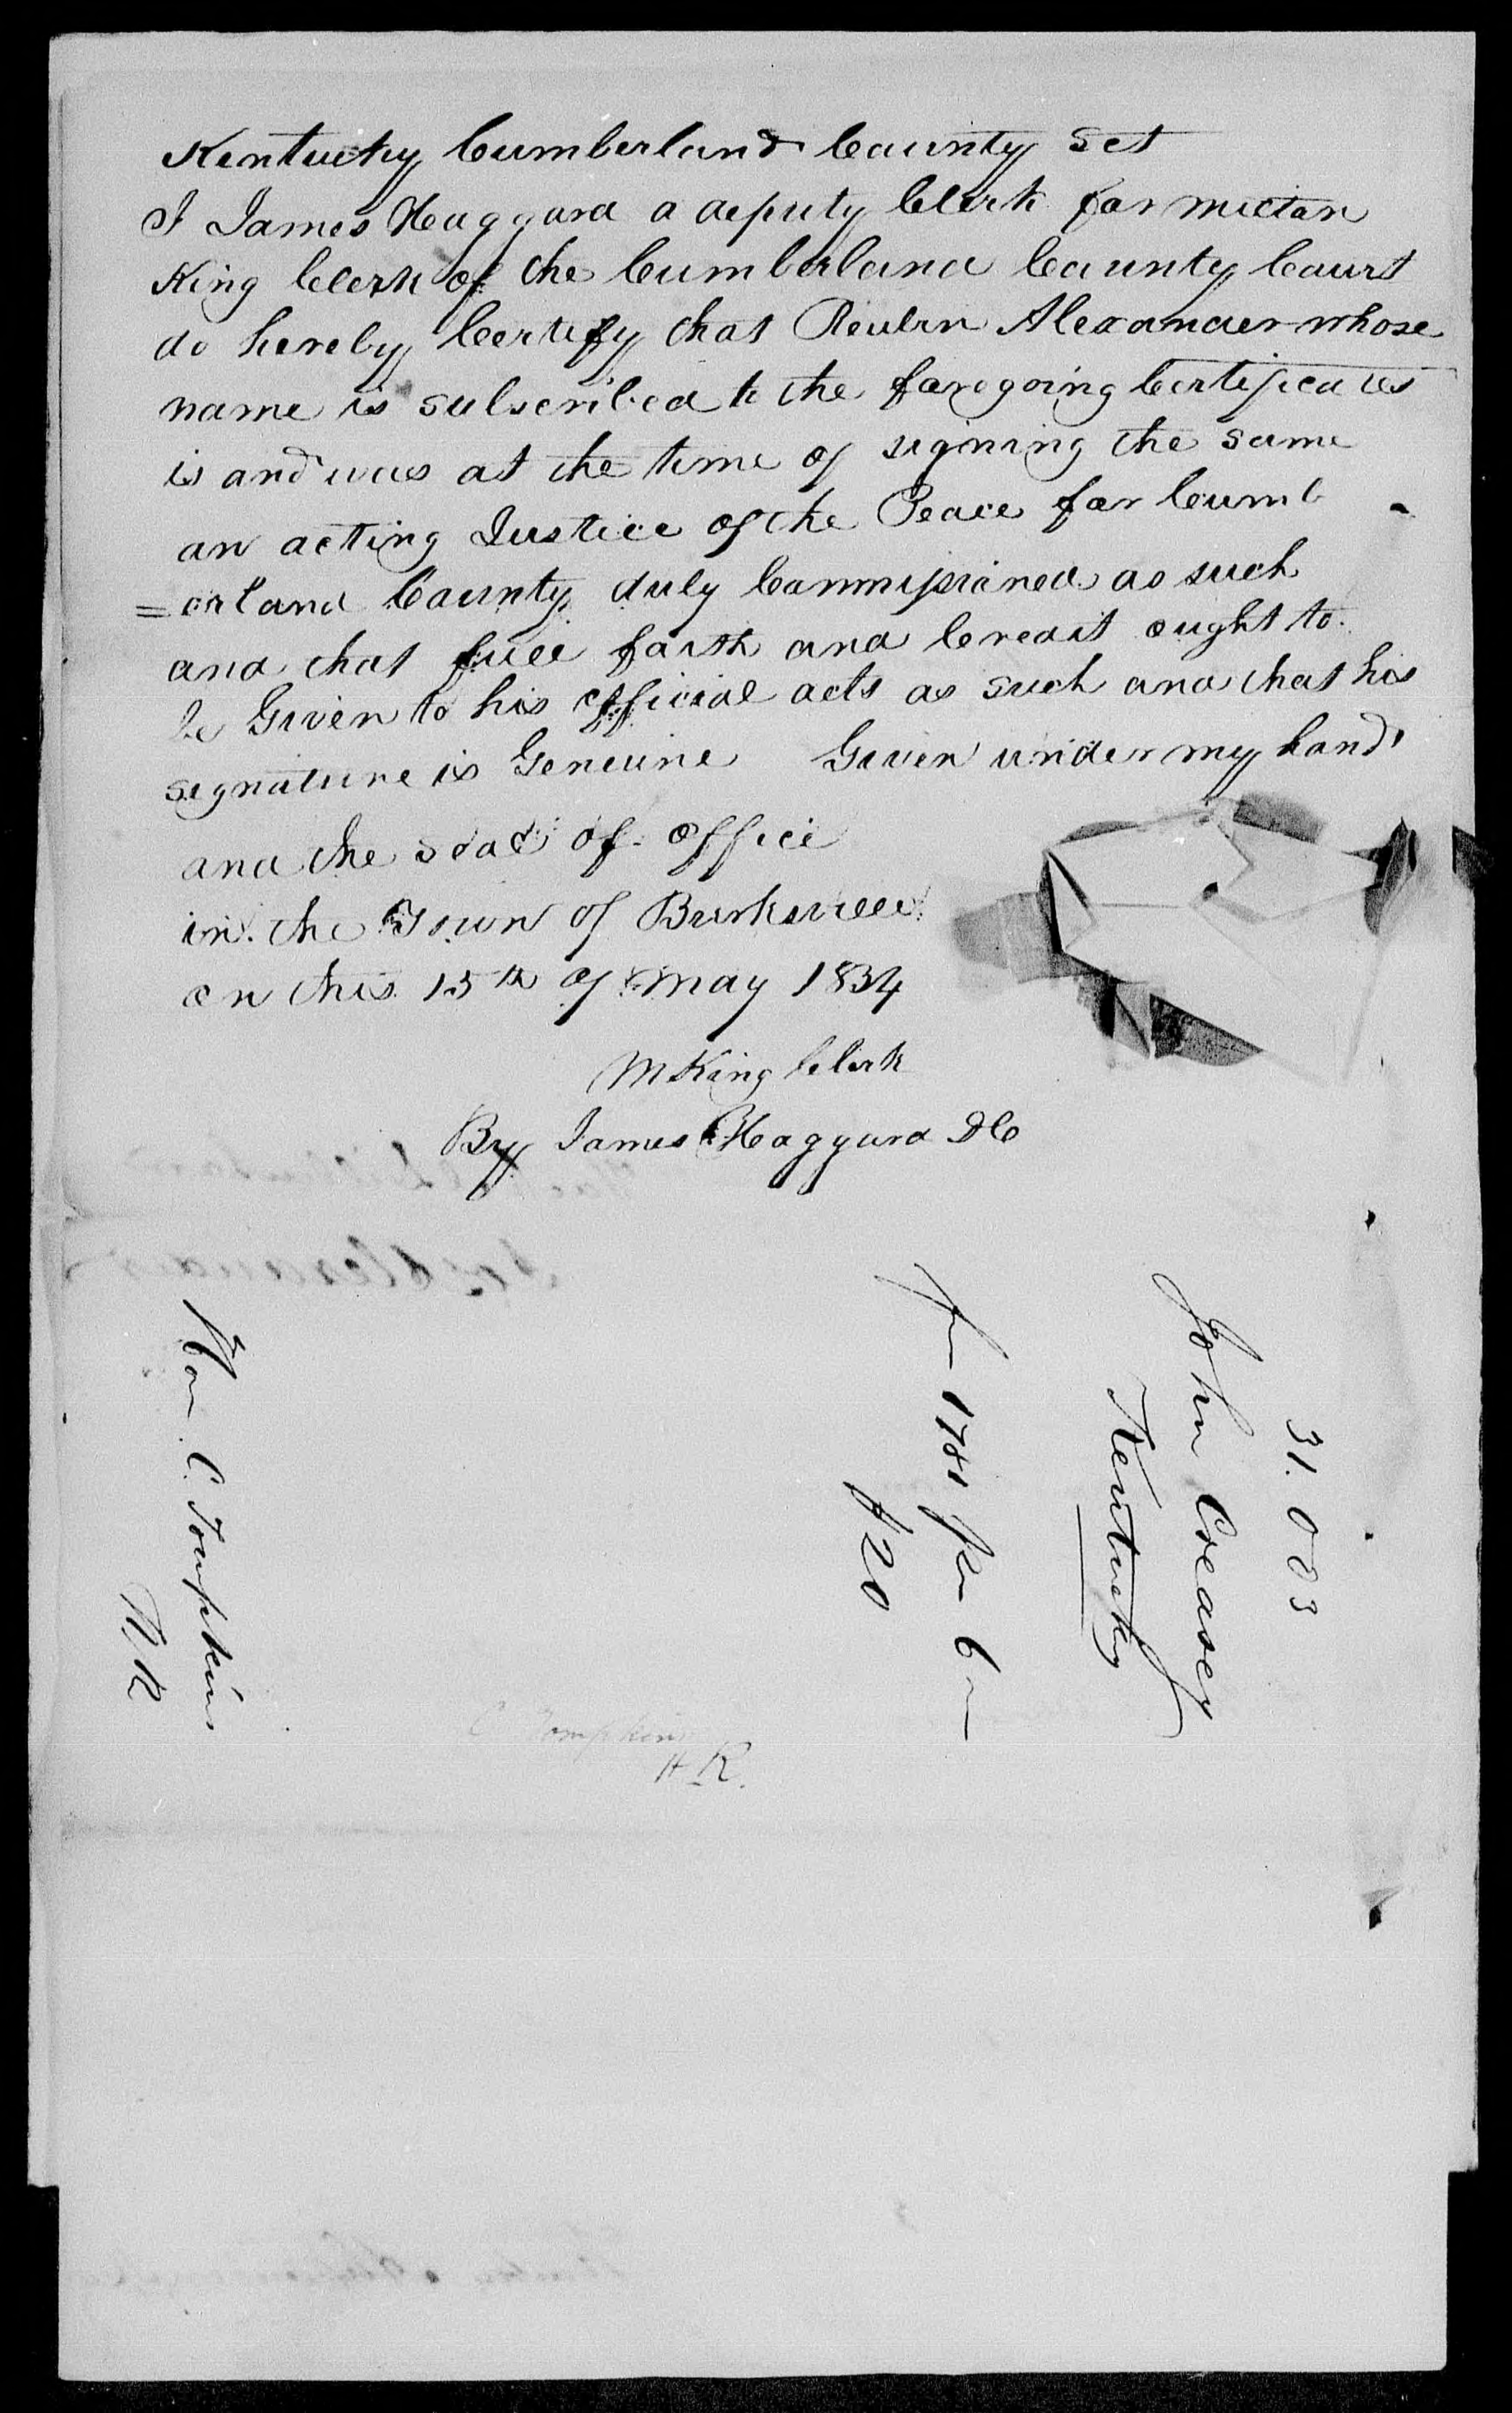Kentucky Cumberland County Set 
I James Haggard a deputy Clerk for Milton King Clerk of the Cumberland County Court 
do hereby Certify that Reuben Alexander whose 
name is subscribed to the forgoing Certificates
is and was at the time of signing the same
an acting Justice of the Peace for Cumb
=erland County duly Commissioned as such and that full faith and Credit ought to 
be Given to his official acts as such and that his
signature is Genuine. Given under my hand and the Seal of office 
in the Town of [illegible]  
on this 15th of May 1834
M. King Clerk
By James Haggard DC

31.003
John Creasey 
Kentucky

1781 for 6 
$20

Hon C Tompkins
HR

C Tompkins
HR.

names: C Tompkins, John Creasey, Reuben Alexander, James Haggard, James Haggard, Milton King, M King, C Tompkins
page: 11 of 16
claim: survivor's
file: S. 37,877, John Creasey, Va.